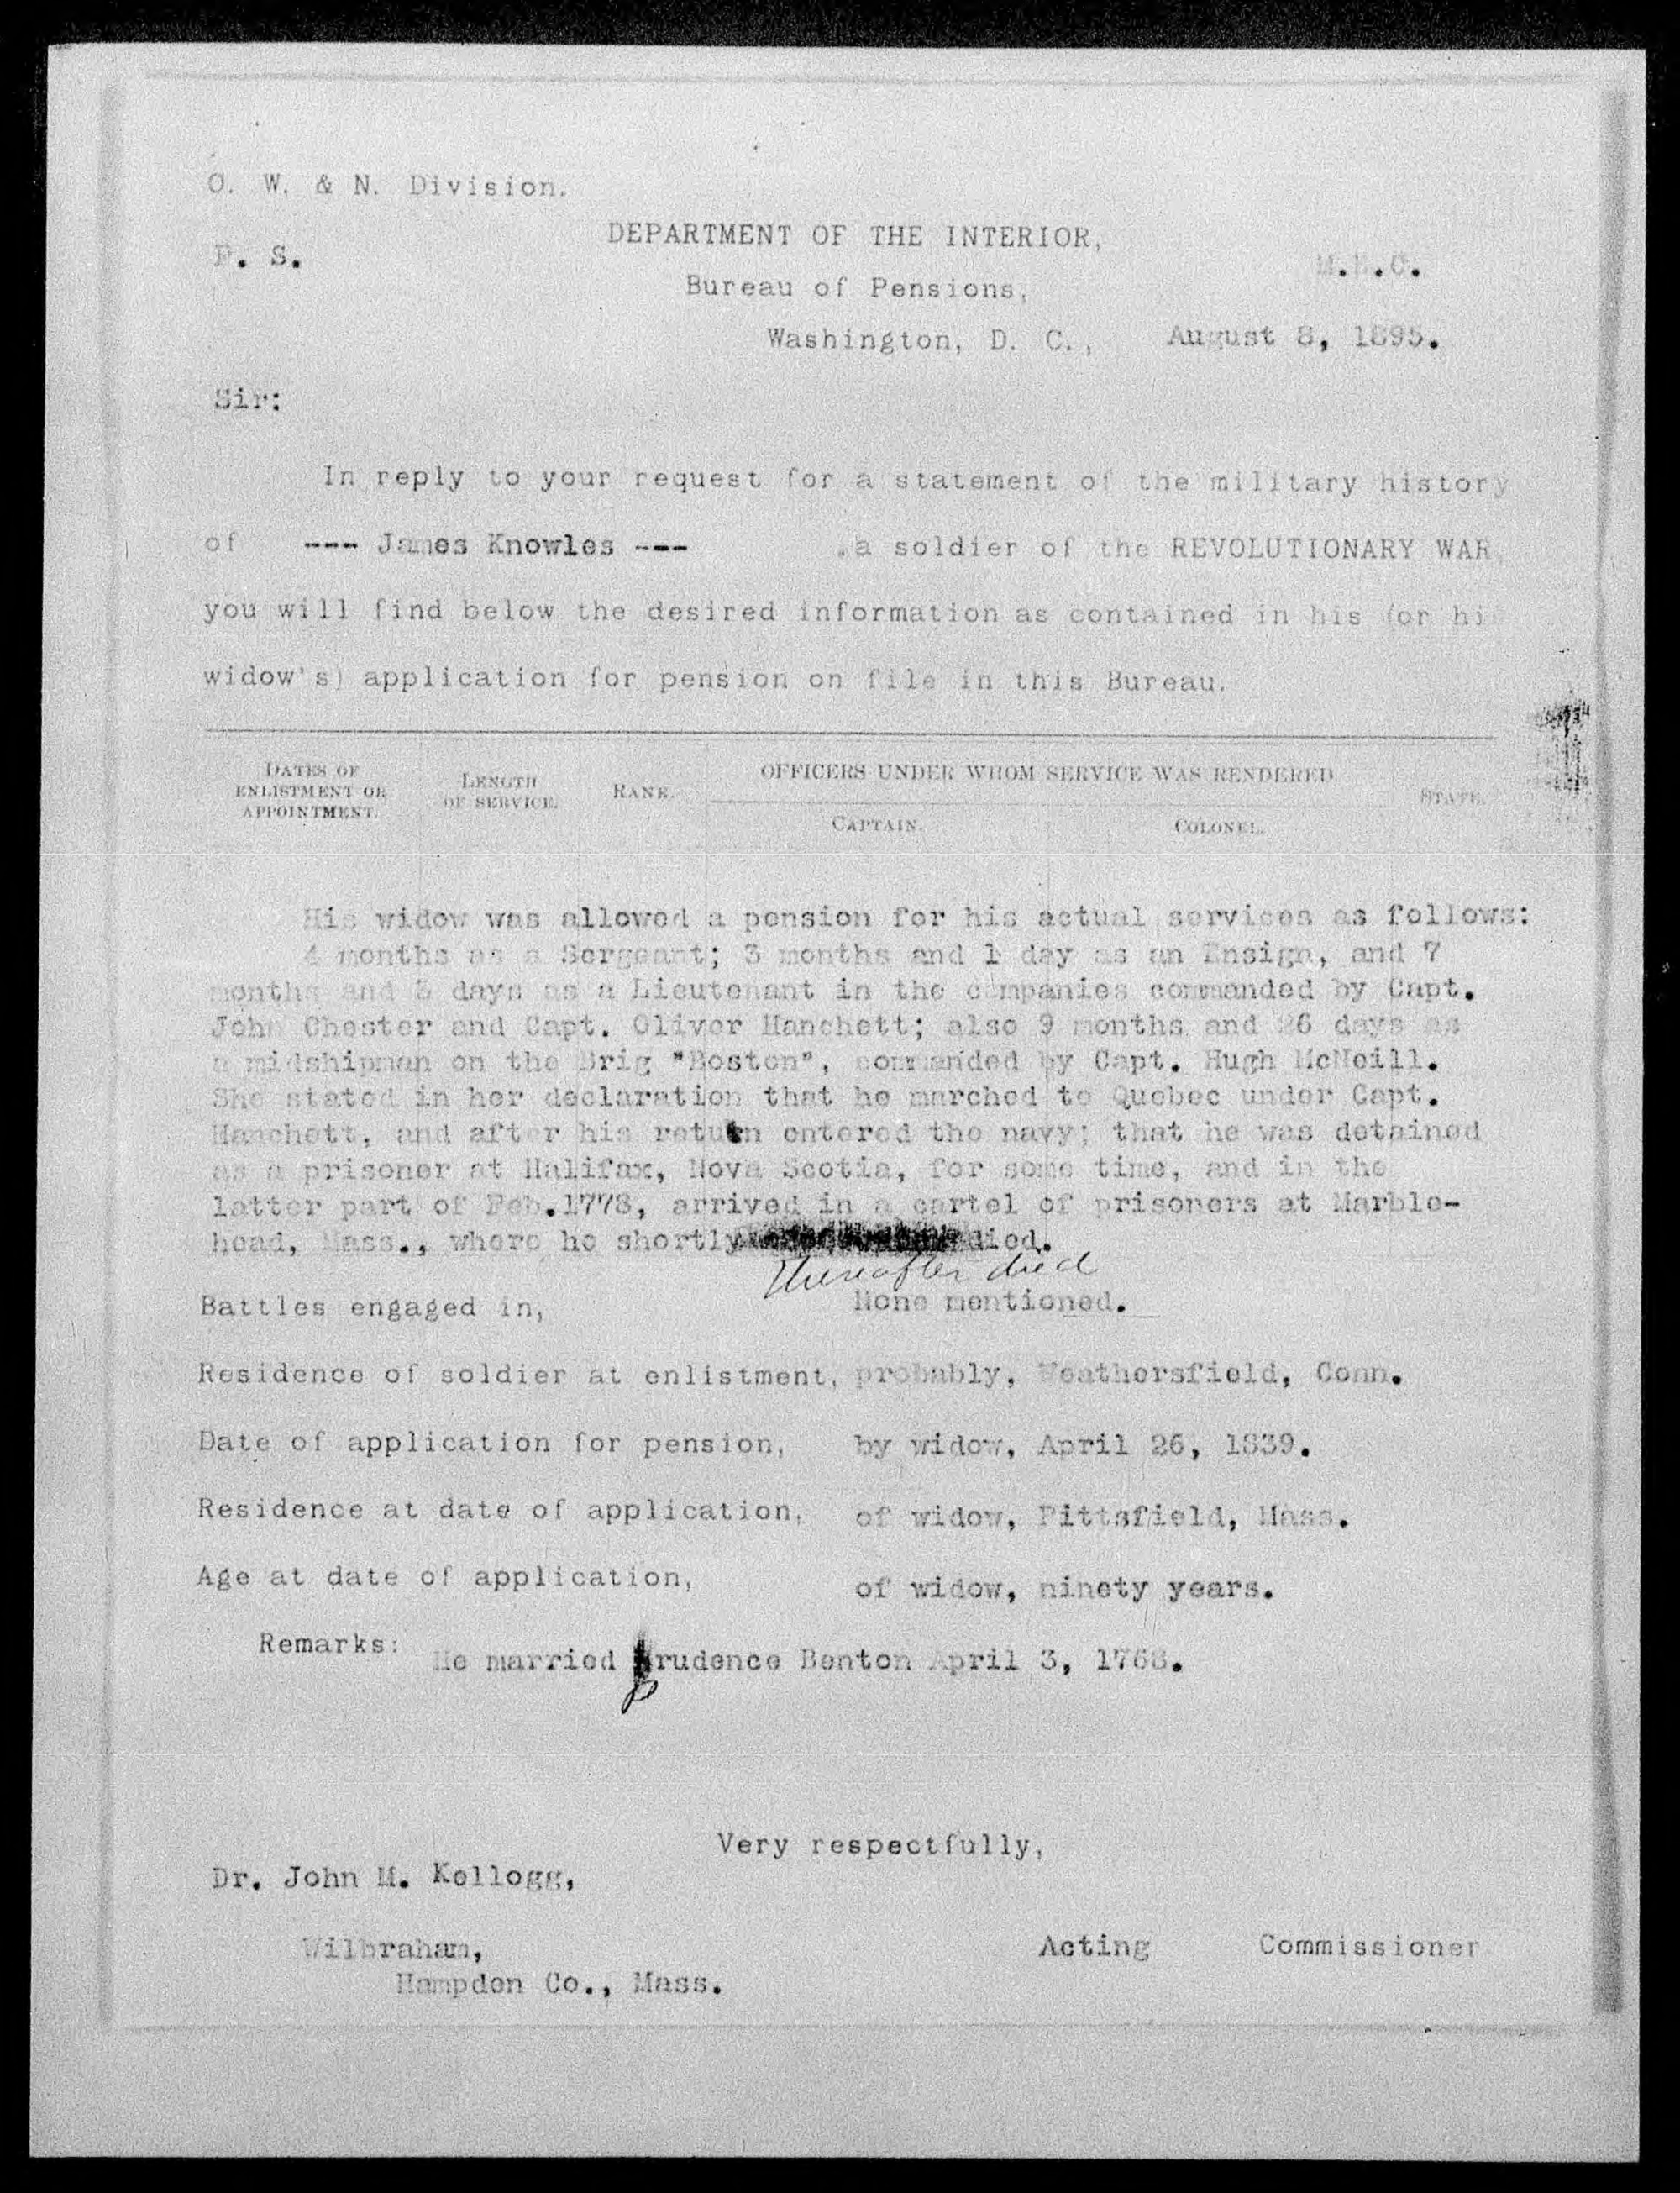O. W. & N. Division
DEPARTMENT OF THE INTERIOR,
Bureau of Pensions, 
Washington, D. C.,      M. E. C. August 8, 1895.
P. S.

Sir: In reply to your request for a statement of the military history of -----James Knowles----- a soldier of the REVOLUTIONARY WAR, you will find below the desired information as contained in his (or his widow's) application for pension on file in this Bureau.

(the paper used to type this letter was a form with chart about soldier's experience. Lines were simply typed across)

His widow was allowed a pension for his actual services as follows:  4 months as a Sergeant; 3 months and 1 day as an Ensign, and 7 months and 3 days as a Lieutenant in the companies commanded by Capt. John Chester and Capt. Oliver Hanchett; also 9 months and 26 days as a midshipman on the Brig "Boston", commanded by Capt. Hugh McNeill. She stated in her declaration that he marched to Quebec under Capt. Hanchett, and after his return entered the navy; that he was detained as a prisoner at Halifax, Nova Scotia, for some time, and in the latter part of Feb. 1778, arrived in a cartel of prisoners at Marblehead, Mass., where he shortly thereafter died.

Battles engaged in, None mentioned.
Residence of soldier at enlistment, probably, Weathersfield, Conn.
Date of application for pension, by widow, April 26, 1839.
Residence at date of application, of widow, Pittsfield, Mass.
Age at date of application, of widow, ninety years.
Remarks: He married Prudence Benton April 3, 1768.

Very respectfully, Dr. John M. Kellogg, 
Wilbraham, Hampden Co., Mass.
Acting Commissioner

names: Prudence Benton; Hugh Mc Neill; John Chester; James Knowles; John M Kellogg; Oliver Hanchett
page: 57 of 60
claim: widow's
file: W. 14,036, for James Knowles, Connecticut